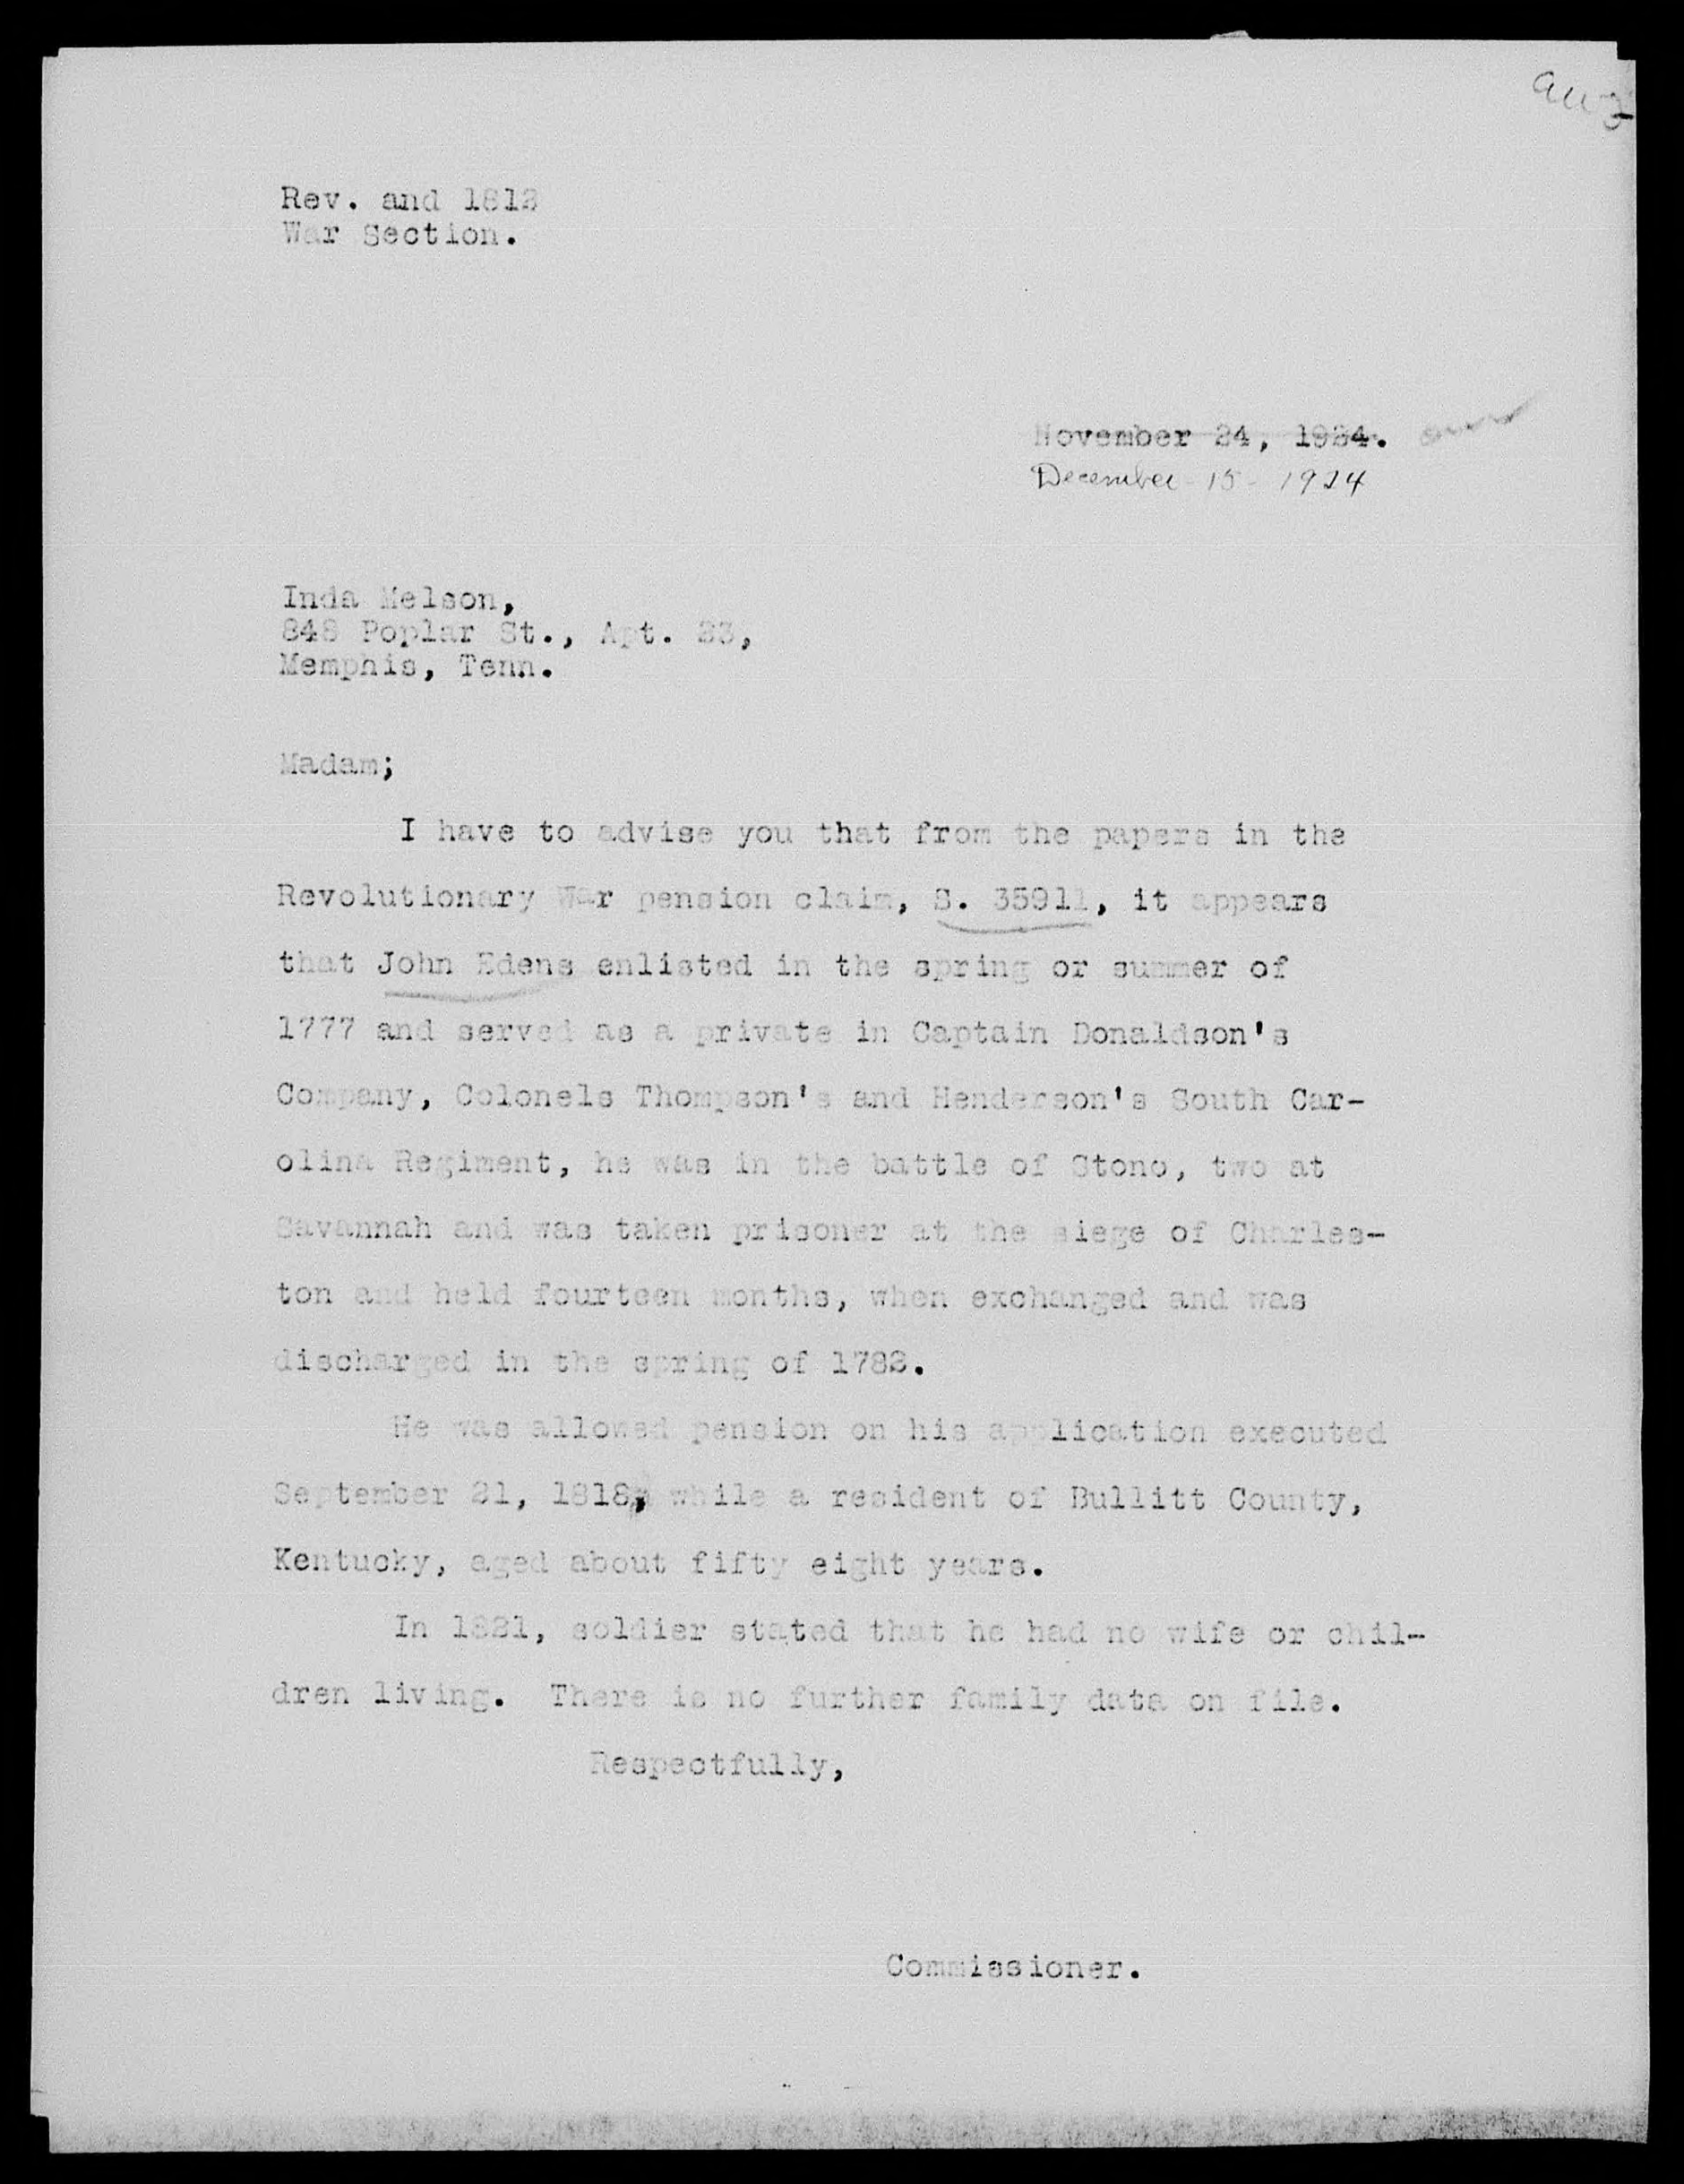Rev. and 1812 War Section.
December 15, 1924

India Melson,
848 Poplar St., Apt. 83,
Memphis, Tenn.

Madam;
I have to advise you that from the papers in the Revolutionary War pension claim, S. 3591, it appears that John Edens enlisted in the spring or summer of 1777 and served as a private in Captain Donaldson's Company, Colonels Thompson's and Henderson's South Carolina
Regiment, he was in the battle of Stono, two at Savannah and was taken prisoner at the siege of Charleston and held fourteen months, when exchanged and was discharged in the spring of 1782.

He was allowed pension on his application executed September 21, 1818 while a resident of Bullitt County, Kentucky, aged about fifty eight years.

In 1821, soldier stated that he had no wife or children living. There is no further family data on file.

Respectfully,
Commissioner.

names: Inda Melson, John Edens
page: 10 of 14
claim: survivor's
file: S 35911, John Edens, S.C.